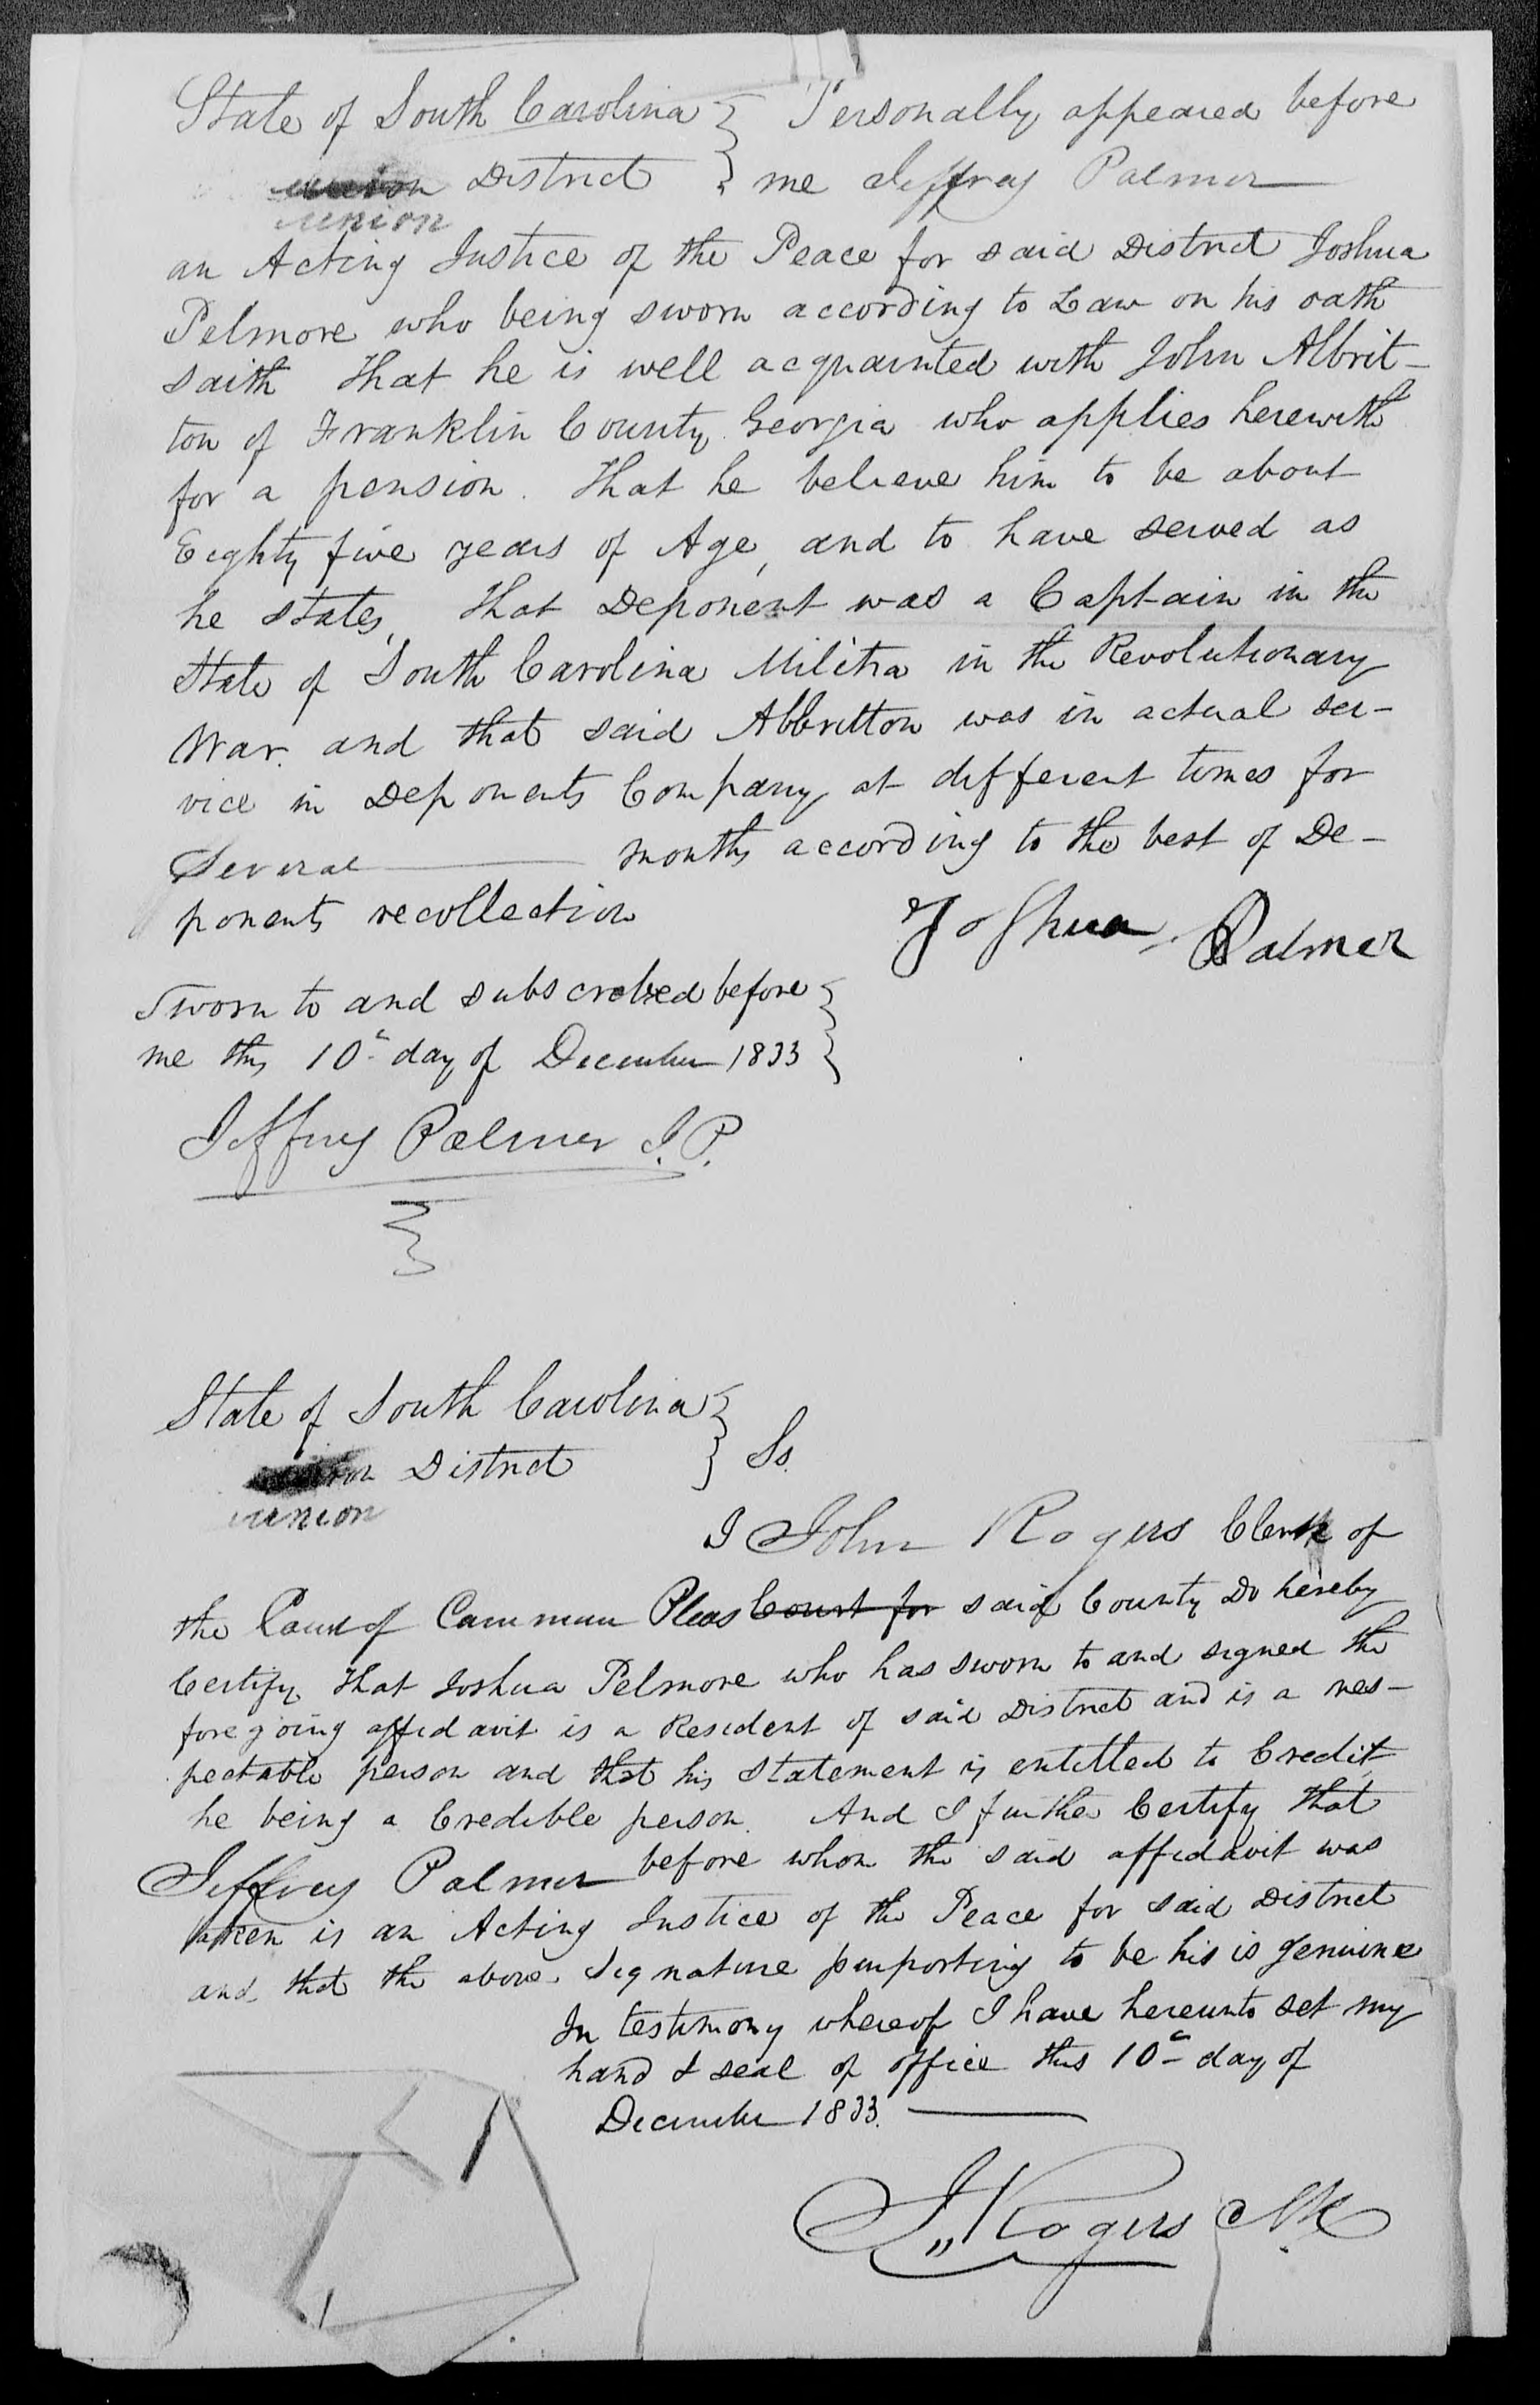State of South Carolina
Union District 
Personally appeared before me Jeffrey Palmer an Acting Justice of the Peace for said District Joshua Pelmore who being sworn according to Law on his oath saith that he is well acquainted with John Albritton of Franklin County Georgia who applies herewith for a pension. That he believe him to be about Eighty five years of Age, and to have served as he states. That Deponent was a Captain in the State of South Carolina Militia in the Revolutionary War and that said Albritton was in actual service in Deponents Company at different times for Several months, according to the best of Deponents recollection
Jeffrey Palmer
Sworn to and subscribed before me this 10th day of December 1833
Jeffrey Palmer J. P.
State of South Carolina
Union District
I John Rogers Clerk of the Court of Common Pleas for said County Do hereby certify that Joshua Pelmore who has sworn to and signed the foregoing affidavit is a Resident of said District and is a respectable person and that his statement is entitled to Credit he being a Credible person. And I further Certify that Jeffrey Palmer before whom the said affidavit was taken is an Acting Justice of the Peace for said District and that the above Signature purporting to be his is genuine. 
In testimony whereof I have hereunto set my hand & seal of office this 10th day of December 1833.
J Rogers Clk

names: Jeffrey Palmer, Jeffrey Palmer, Albritton, Joshua Pelmore, J Rogers, John Albritton, John Rogers, Joshua Palmer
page: 18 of 22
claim: survivor's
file: S. 31,517, John Allbritton, S.C.